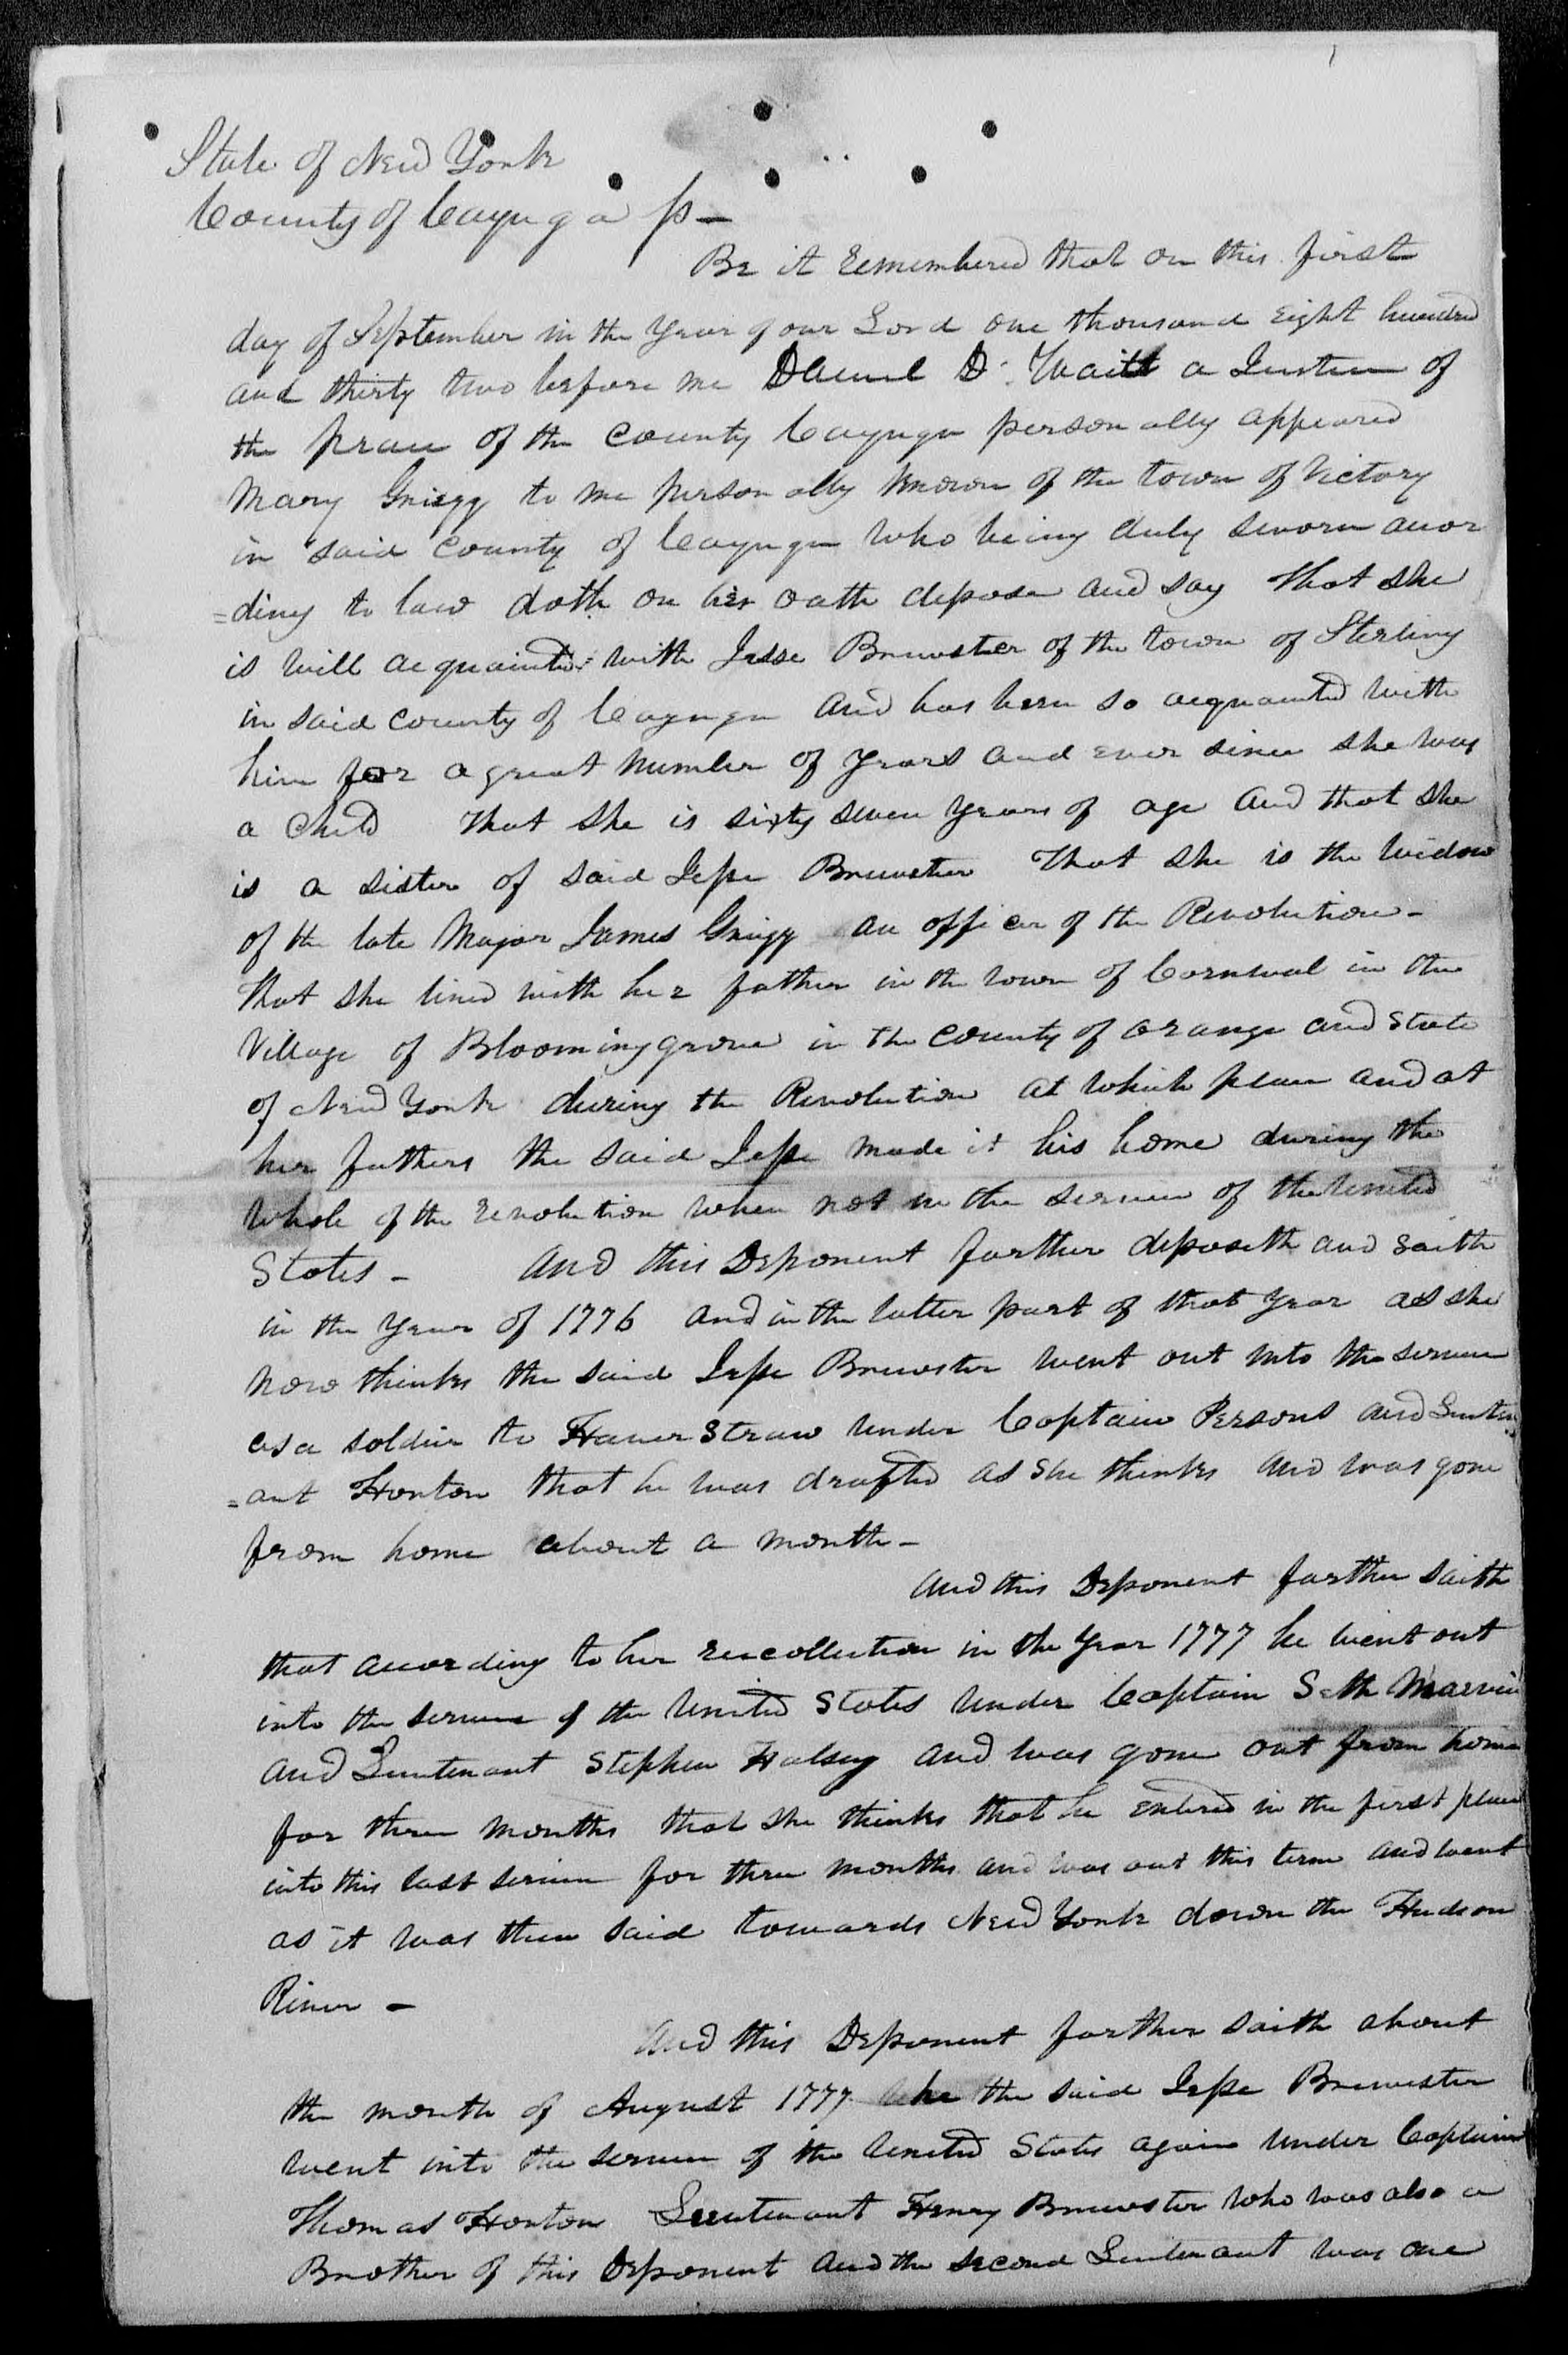State of New York
County of Cayuga
Be it remembered that on this first day of September in the year of our Lord one thousand eight hundred and thirty two before me Daniel D Waith a Justice of the pran of the county Cayuga personally appeared Mary Griegg to me personally known of the town of Victory in said county of Cayuga who being duly sworn according to law doth on her oath depose and say that she is well acquainted with Jesse Brewster of the town of Sterling in said county of Cayuga and has been so acquainted with him for a great number of years and ever since she was a child that she is sixty seven years of age and that she is a sister of said Jesse Brewster that she is the widow of the late Major James Griegg an officer of the Revolution. That she lived with her father in the town of Cornwall village of Blooming grove in the county of Orange and state of New York during the revolution at which peace and at her fathers the said Jesse made it his home during the whole of the revolution when not in the service of the United States. And this deponent further deposeth and saith in the year of 1776 and in the latter part of that year as she now thinks the said Jesse Brewster went out into the service a soldier to Haverstraw under Captain Persons and Sergeant Horton that he was drafted as she thinks and was gone from home about a month.
And this deponent further saith that according to her recollection in the year 1777 he went out into the service of the United States under Captain Seth Marvin and Lieutenant Stephen Halsey and was gone out from home for three months that she thinks that he entered in first place into this last service for three months and was out this term and went as it was then said towards New York down the Hudson River.
And this deponent further saith about the month of August 1777 he the said Jesse Brewster went int the service of the United States again under Captain Thomas Horton Lieutenant Henry Brewster who was also a brother of this deponent and the second Lieutenant was one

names: Jesse Brewster, Hudson River, Persons, James Griegg, Stephen Hulsey, Jesse Brewster, Thomas Horton, Horton, Daniel D Waite, Jesse, Jesse Brewster, Henry Brewster, Mary Griegg, Jesse Brewster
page: 3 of 26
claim: survivor's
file: S. 12,291, Jesse Brewster, New York